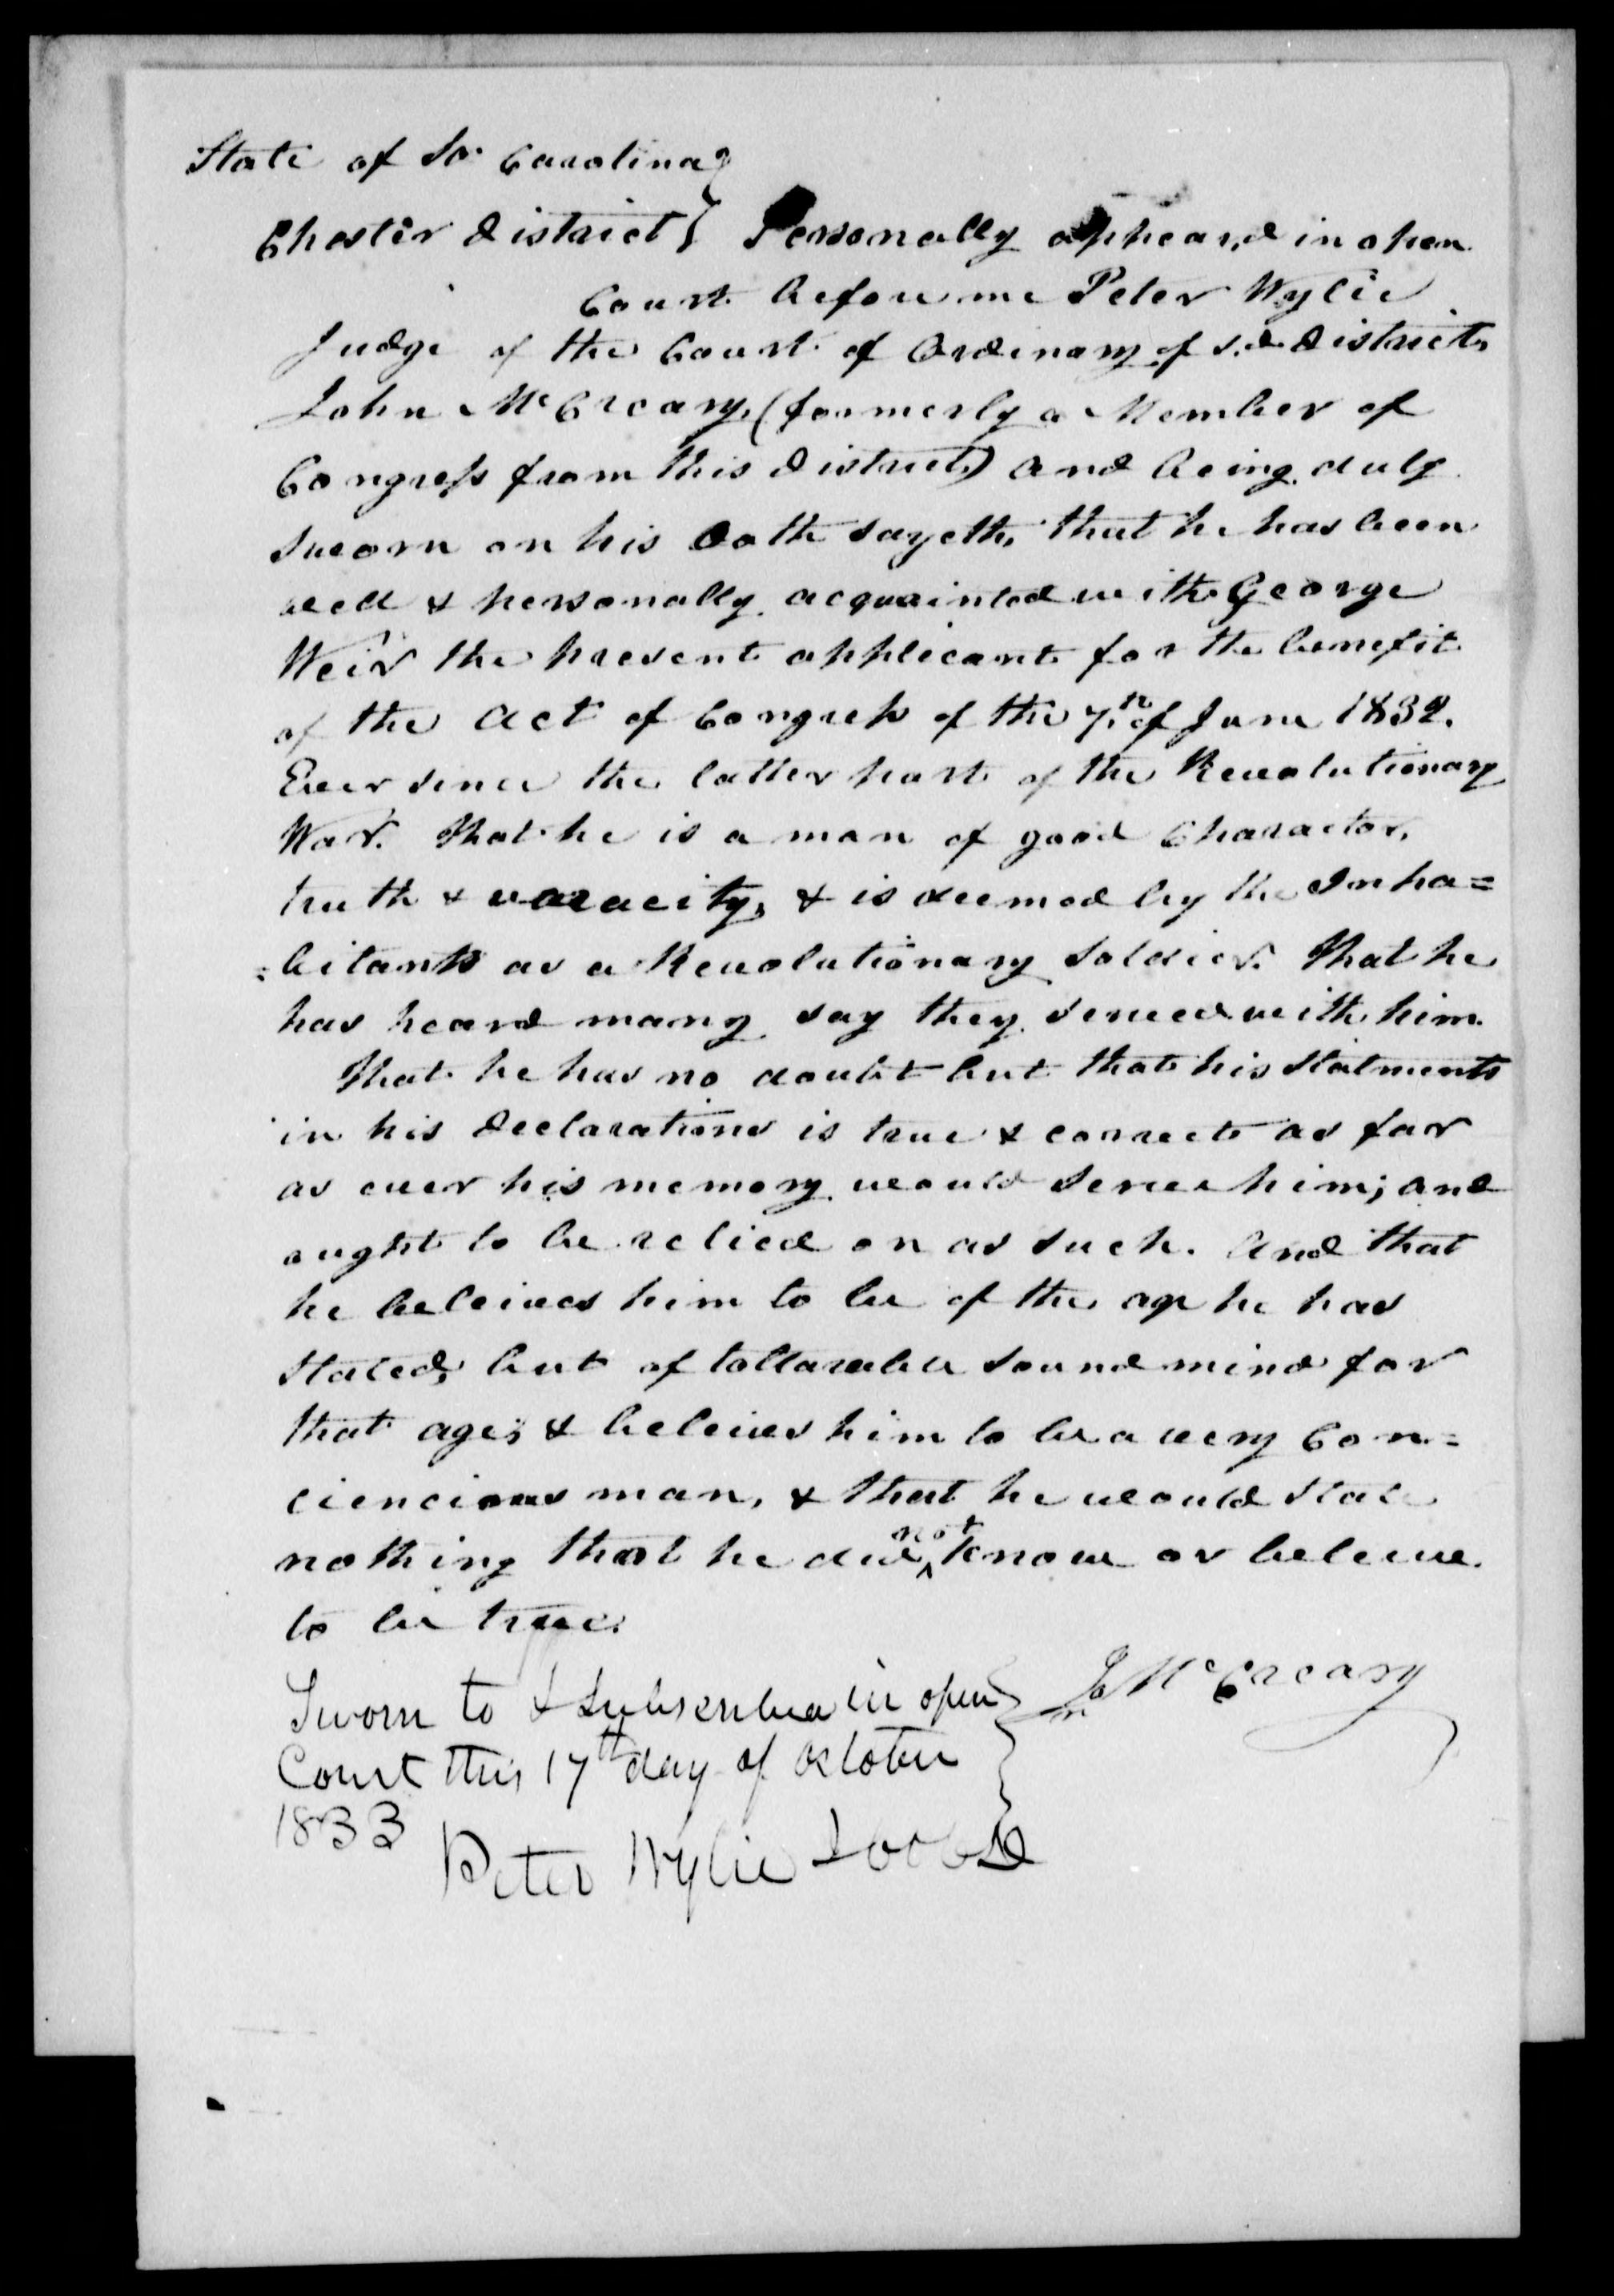State of So Carolina
Chester District  
Personally appeared in open Court before me Peter Wylie Judge of the Court of Ordinary of district
John McCreary (formerly a Member of Congress from this district) and being duly sworn on his oath sayeth that he has been well & personally acquainted with George Weir the present applicant for the benefit of the act of Congress of the 7th of June 1832 ever since the latter part of the Revolutionary War. That he is a man of good Character, truth & veracity & is deemed by the Inhabitants as a Revolutionary soldier that he has heard many say they served with him that he has no doubt but that his statements in his declaration is true & correct as far as ever his memory would serve him; and
ought to be relied on as such. And that he believes him to be of the age he has stated but of tollarable sound mind for that age & believe him to be a very conscientious man, & that he would state nothing that he did not know or believe to be true
[signed] J McCreary

Sworn to & subscribed in open Court this 17th day of October 1833
Peter Wylie C C O C D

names: John Mc Creary, Peter Wylie, George Weir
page: 13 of 22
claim: survivor's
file: S. 9528, George Weir, S.C.